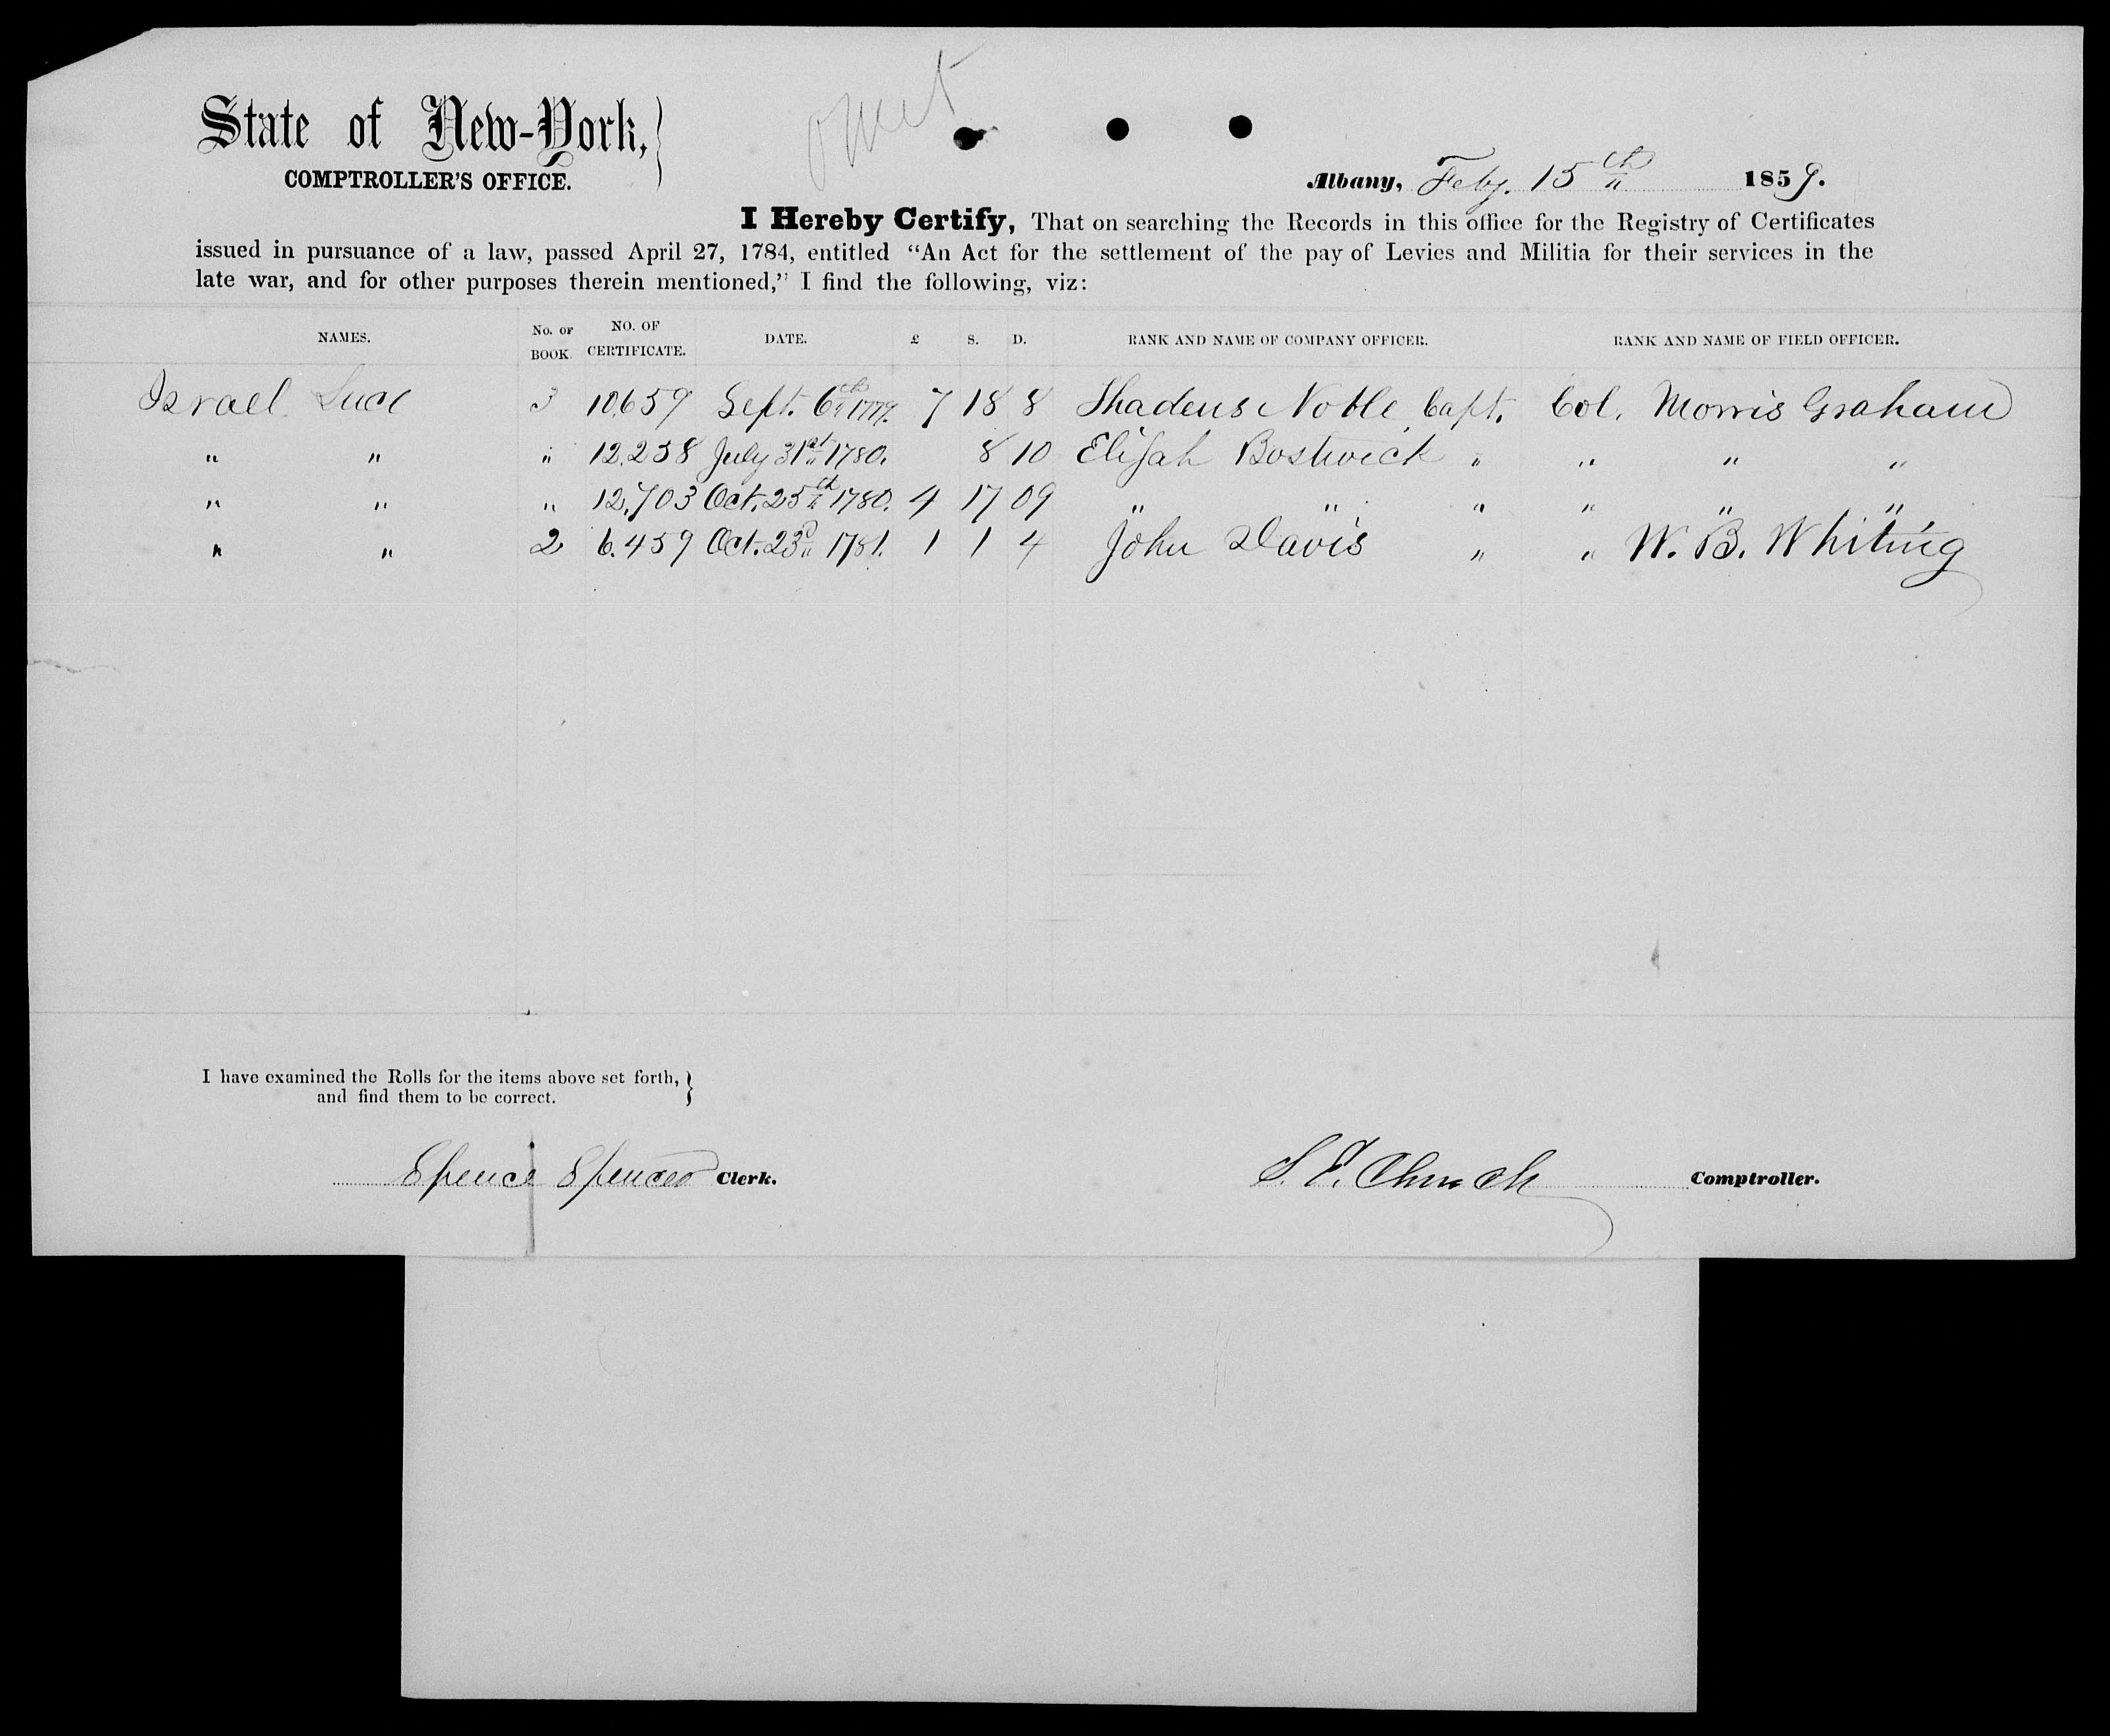STATE OF NEW-YORK,
COMPTROLLER'S OFFICE

[handwritten] Omit

Albany, Feby. 15th 1859.

I Hereby Certify, That on searching the Records in this office for the Registry of Certificates issued in pursuance of a law, passed April 27, 1784, entitled "An Act for the settlement of the pay of Levies and Militia for their services in the late war, and for other purposes therein mentioned," I find the following, viz:

[headers]
Names | No. of Book | No. of Certificate. | Date | L | S. | D. | Rank and Name of Company Officer | Rank and Name of Field Officer

[content]

Israel Luce | 3 | 10,659 | Sept. 6th 1779. | 7 | 18 | 8 | Thadeus Noble, Capt. | Col. Morris Graham

" " | " | 12,258 | July 31st 1780. | | 8 | 10 | Elijah Bostwick " | " " "

" " | " |  12,703 | Oct. 25th 1780 | 4 | 17 | 09 | "  "  | " " "

" " | 2 | 6,459 | ct. 23rd 1781. | 1 | 1 | 4 | John Davis  " | " W.B. Whiting

I have examined the Rolls for the items above set forth, and find them to be correct.  

[signed]
Spence Spencer Clerk

[signed]
S. E. Church Comptroller.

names: Spence Spencer; W B Whiting; Israel Luce; John Davis; Thadeus Noble; Morris Graham; S E Church; Elijah Bostwick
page: 2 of 70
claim: rejected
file: R. 6510, for Israel Luce, New York